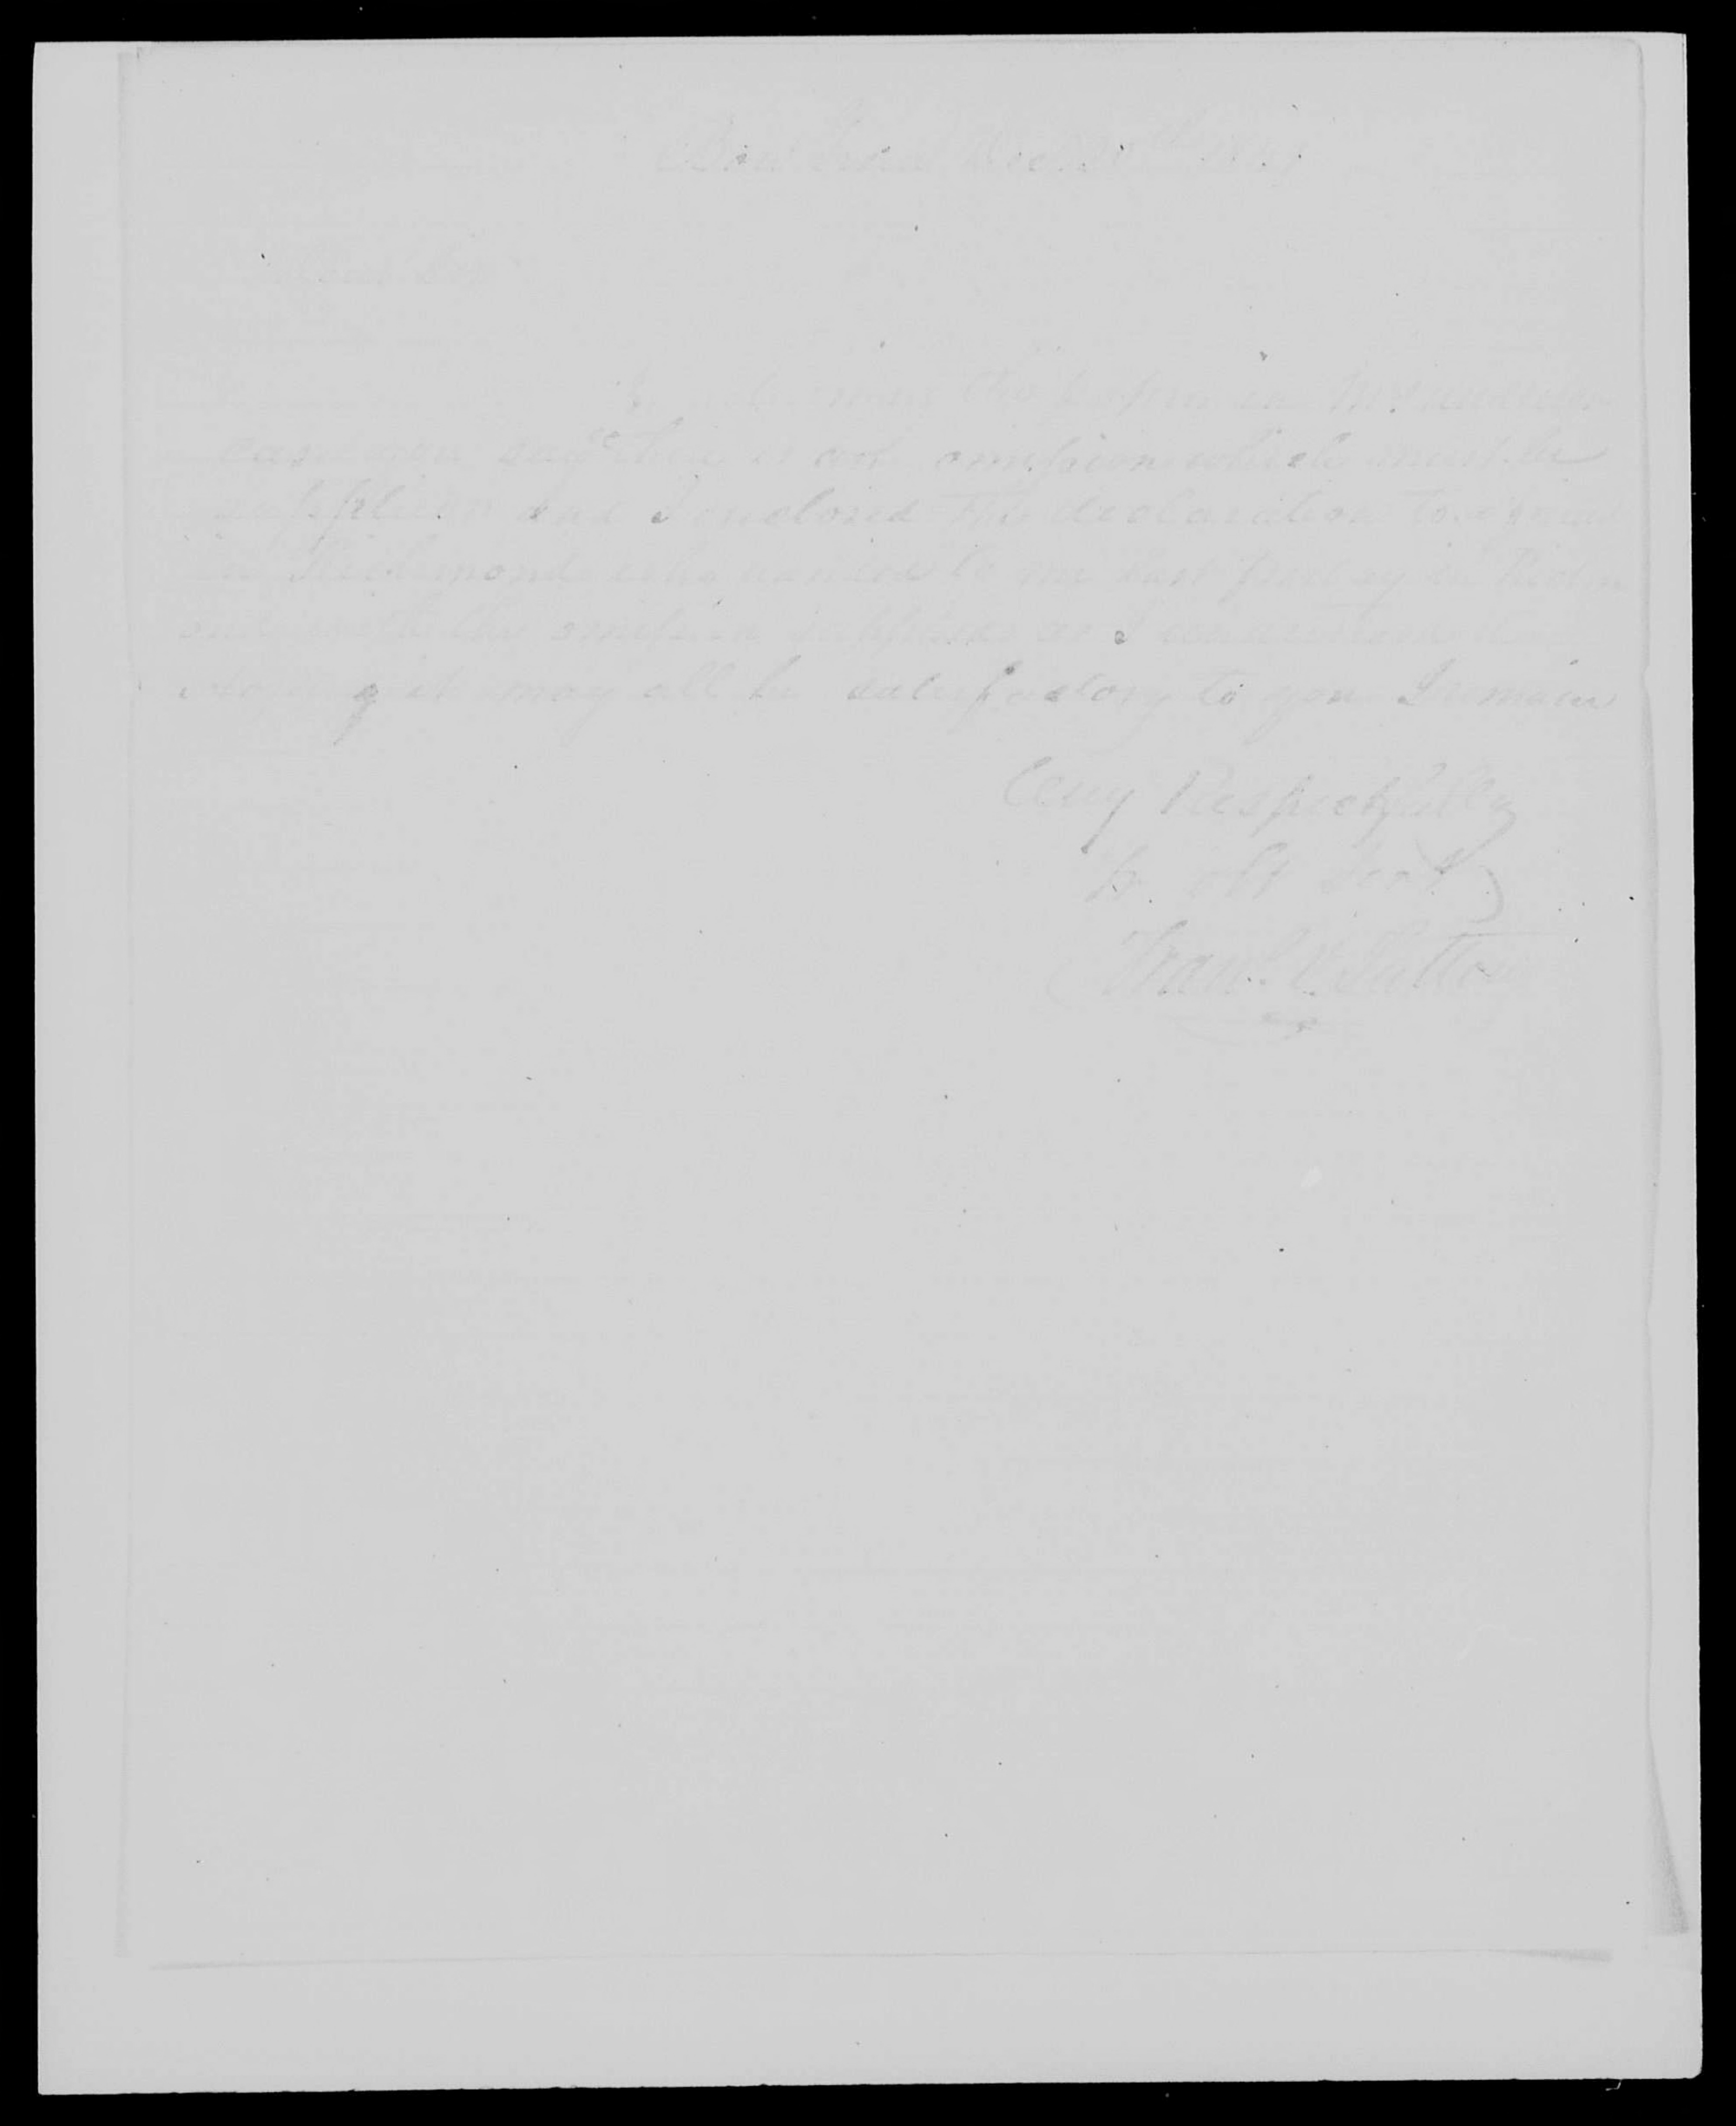Bowling Green Dec. 20th 1849?
Dear Sir
[  ] the papers in Mrs Anderson's
case were [  ] is an omission which must be
supplied and I enclosed this declaration to a [friend?]
in Richmond who deposed to me last [Friday?] in Richmond
with this affidavit [  ] supplied as I [  ]
Hoping it may all be satisfactory to you  I remain
Very Respectfully
Yr. obt Sert,
Frank V. Sutter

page: 36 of 43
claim: widow's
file: W. 5,626, Nathan Anderson, Va.